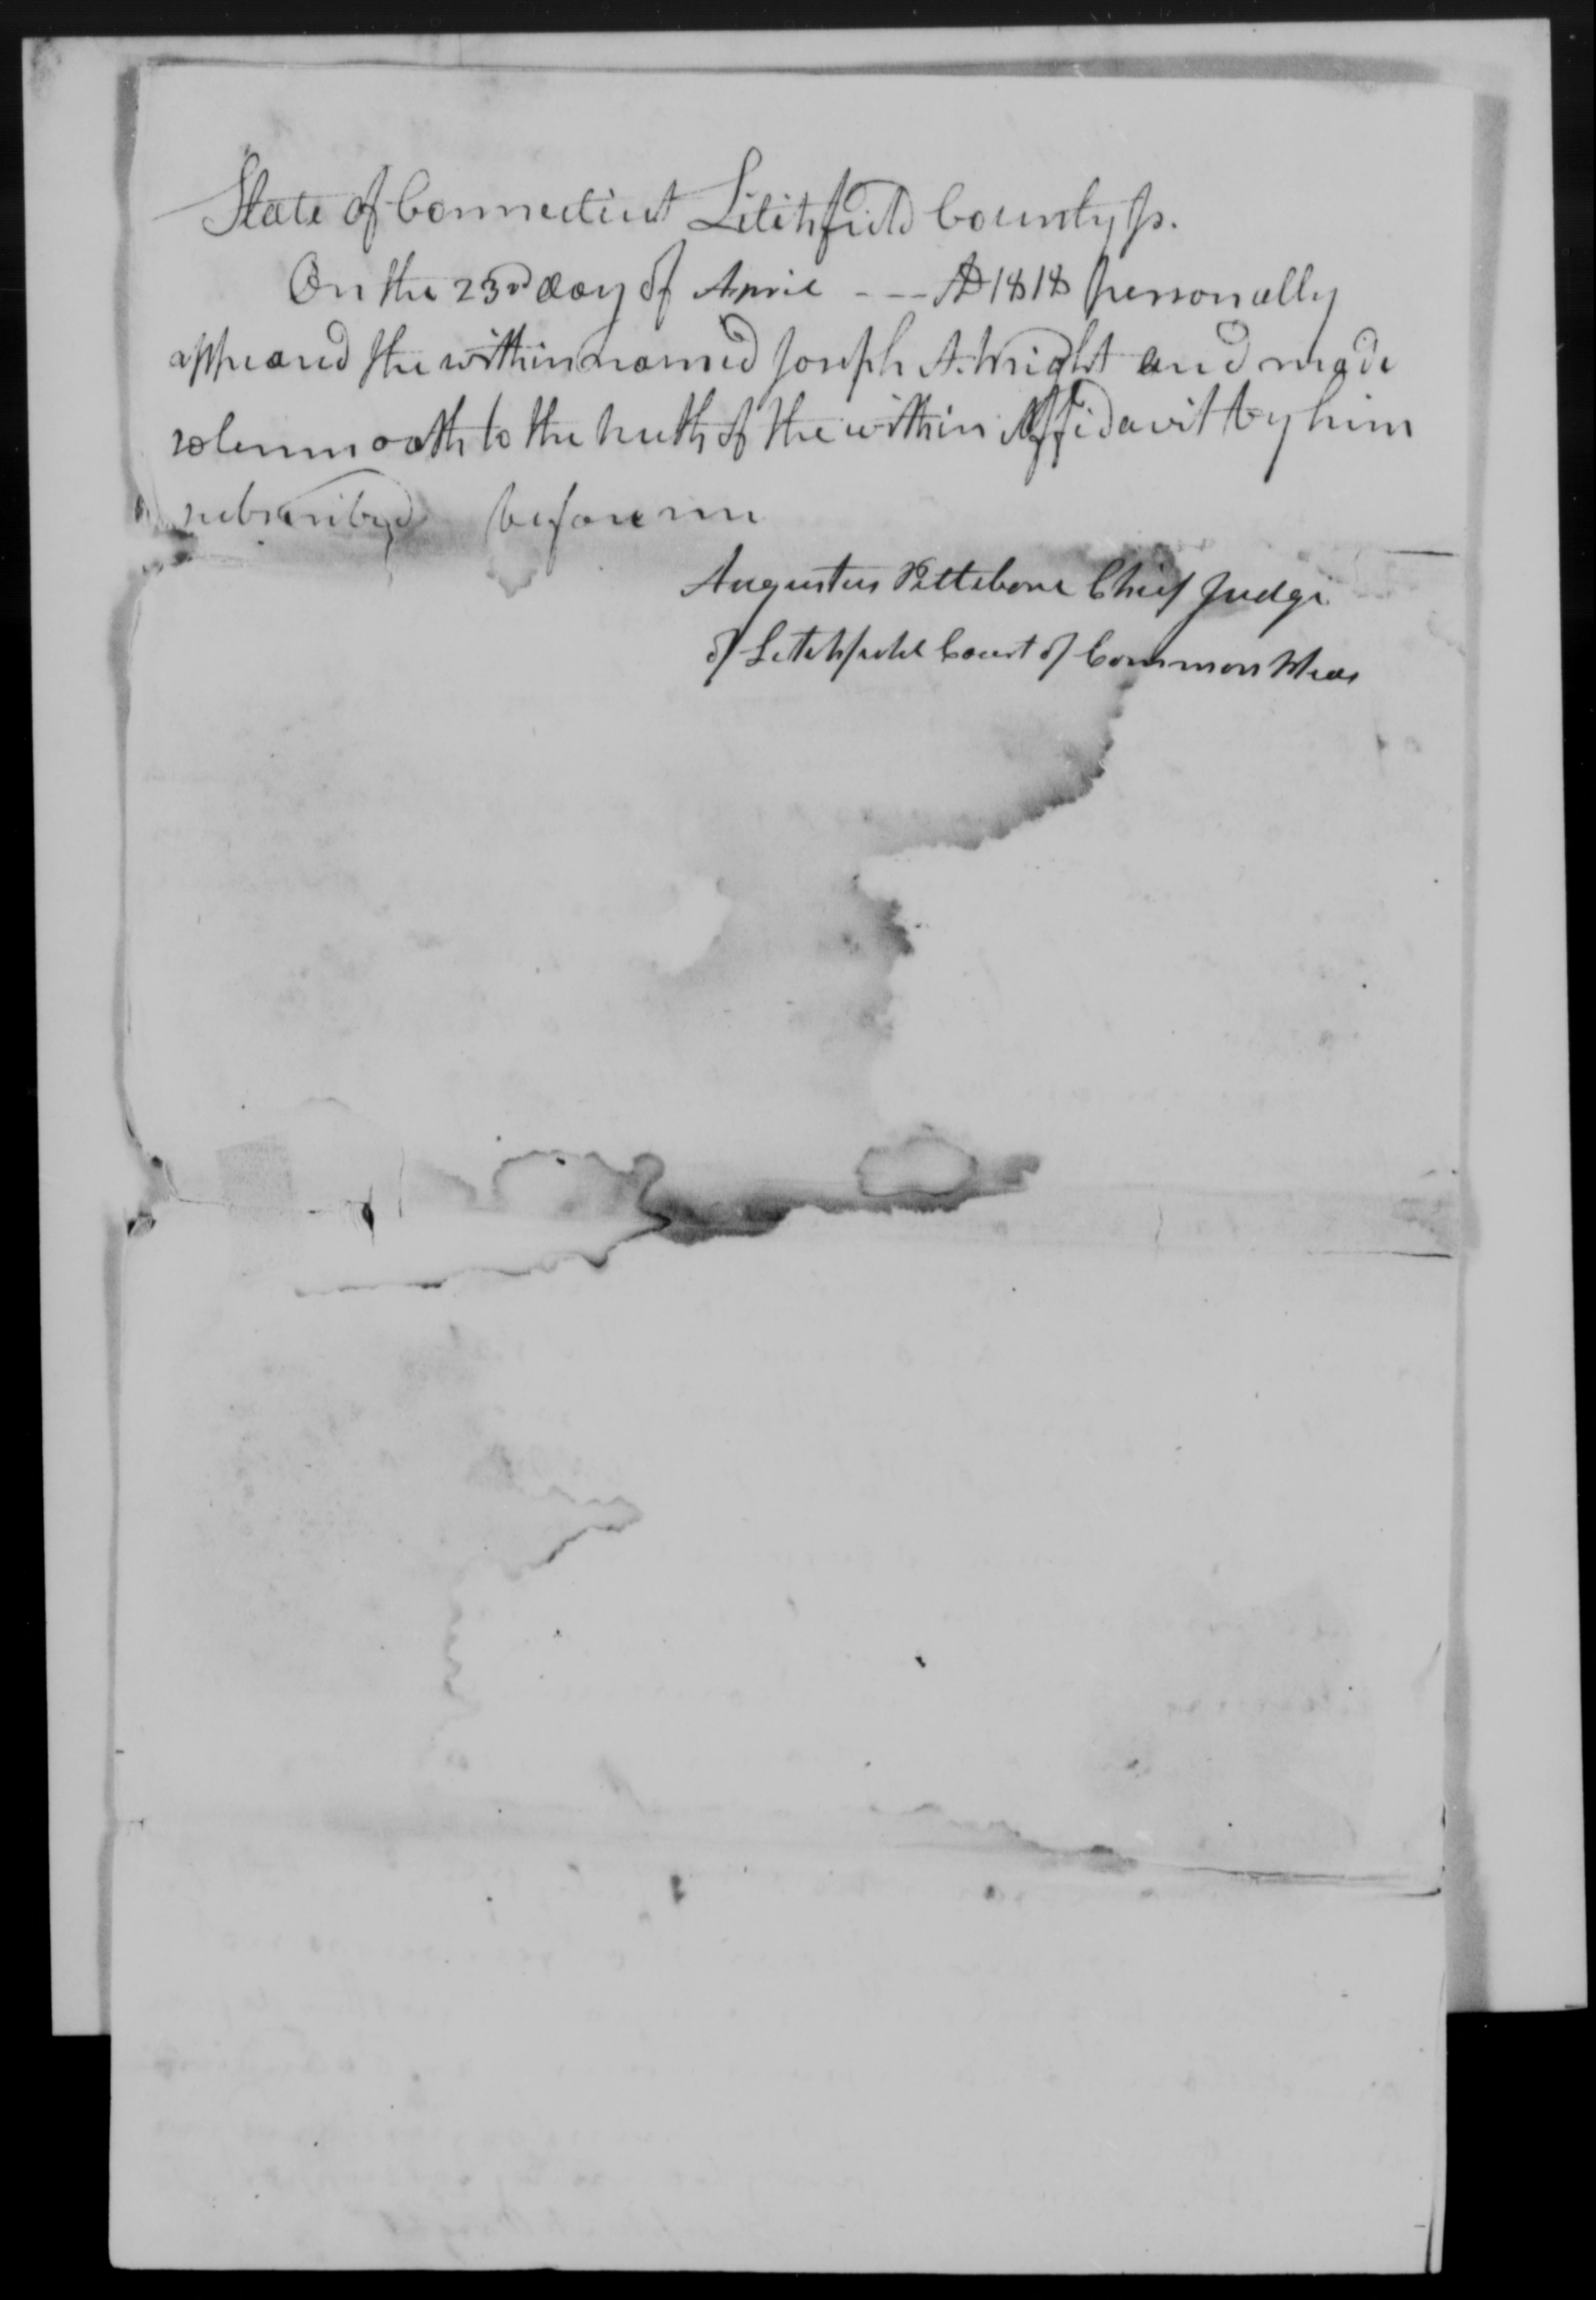State of Connecticut Litchfield County
On the 23rd day of April-- AD 1818 personally
appeared the within named Joseph A. Wright and made solemn oath to the truth of the within Affidavit by him subscribe before me
Augustus Pettibone Chief Judge
of Litchfield Court of Common Pleas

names: Joseph A Wright, Augustus Pettebone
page: 5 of 13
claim: survivor's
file: S. 36855, Joseph Allyn Wright, Conn. Continental